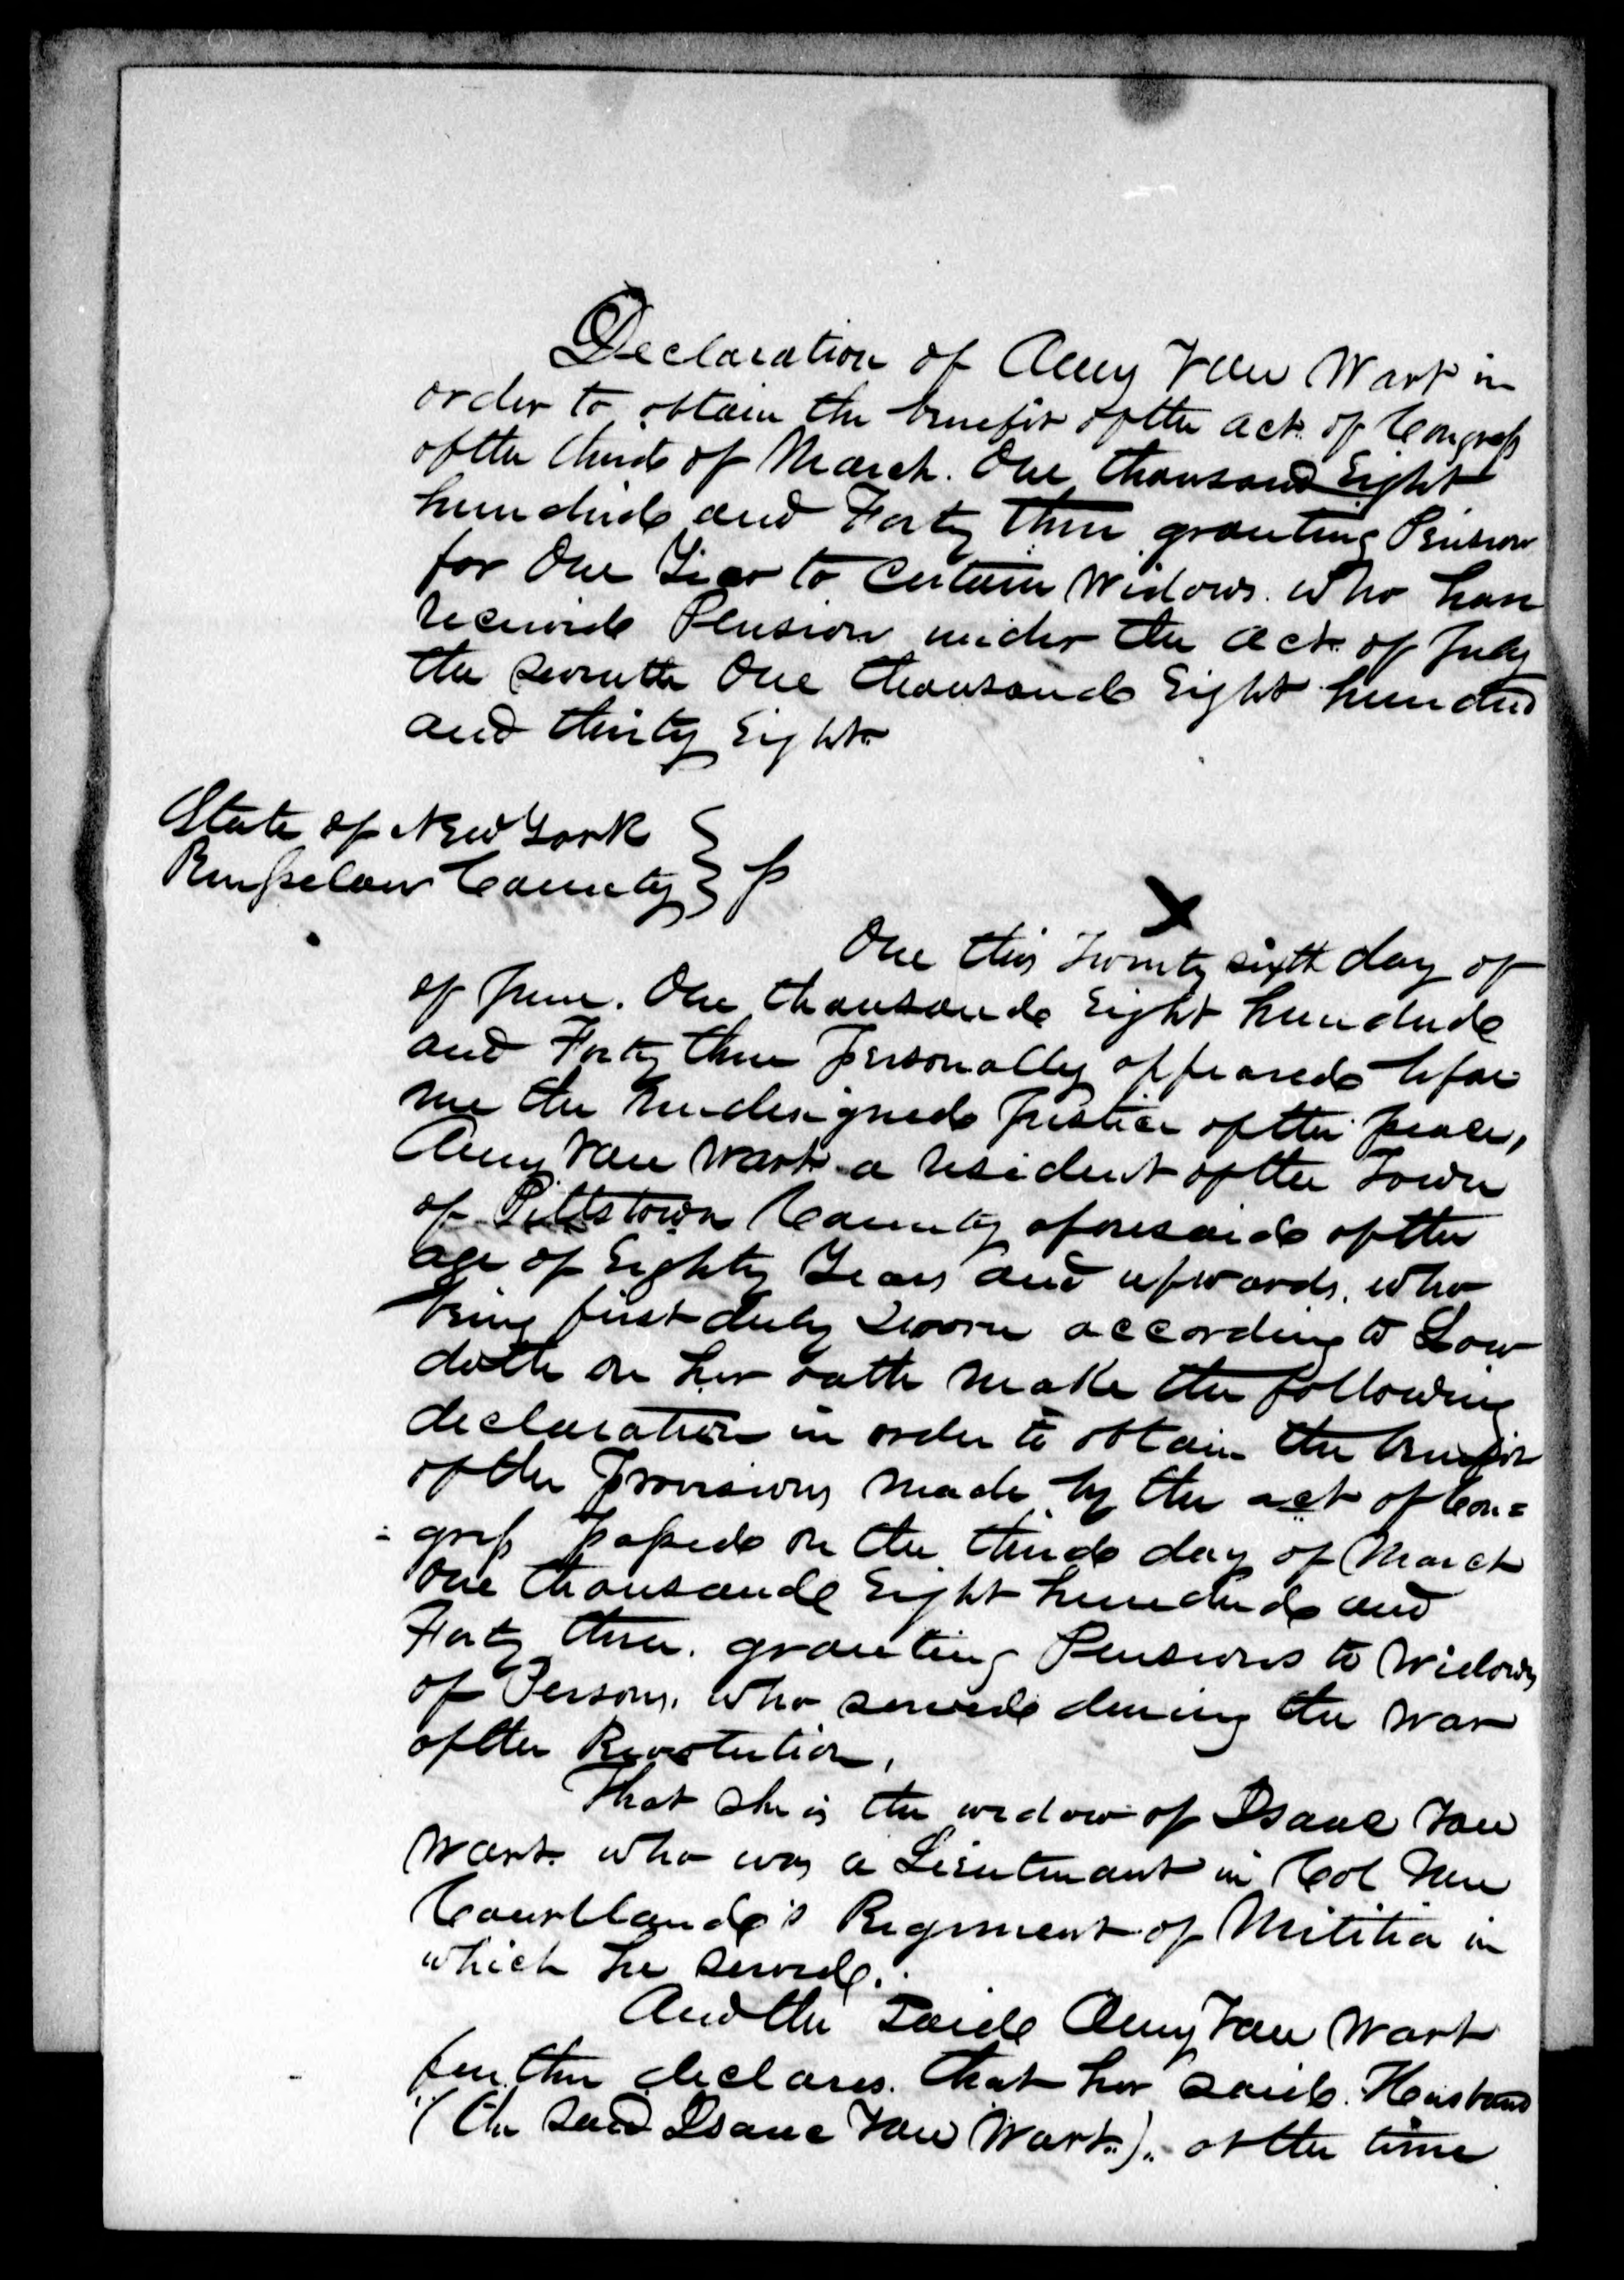Declaration of Amy Van Wart in order to obtain the benefit of the Act of Congress of the third of March, One thousand Eight Hundred and Forty three granting Pension for One Year to certain widows who have received Pensions under the Act of July the seventh One Thousand Eight hundred and thirty Eight.

State of New York
Rensselaer County

    On this Twenty sixth day of June One thousand Eight hundred and Forty three personally appeared before me the undersigned Justice of the peace, Amy Van Wart a resident of the Town of Pittstown County aforesaid & of the age of Eighty Years and upwards who being first duly sworn according to Law doth on her oath make the following declaration in order to obtain the benefit of the provisions made by the act of Congress passed on the third day of March One thousand Eight hundred and Forty three granting Pensions to Widows of Persons who served during the War of the Revolution.

    That she is the widow of Isaac Van Wart who was a Lieutenant in Col Van Courtland's Regiment of Militia in which he served.

    And the said Amy Van Wart further declares that her said Husband "(the said Isaac Van Wart)" at the time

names: Isaac Van Wart, Amy Van Wart, Amy Van Wart, Isaac Van Wart, Amy Van Wart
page: 89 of 102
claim: widow's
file: W. 18239, Isaac Van Wart, New York